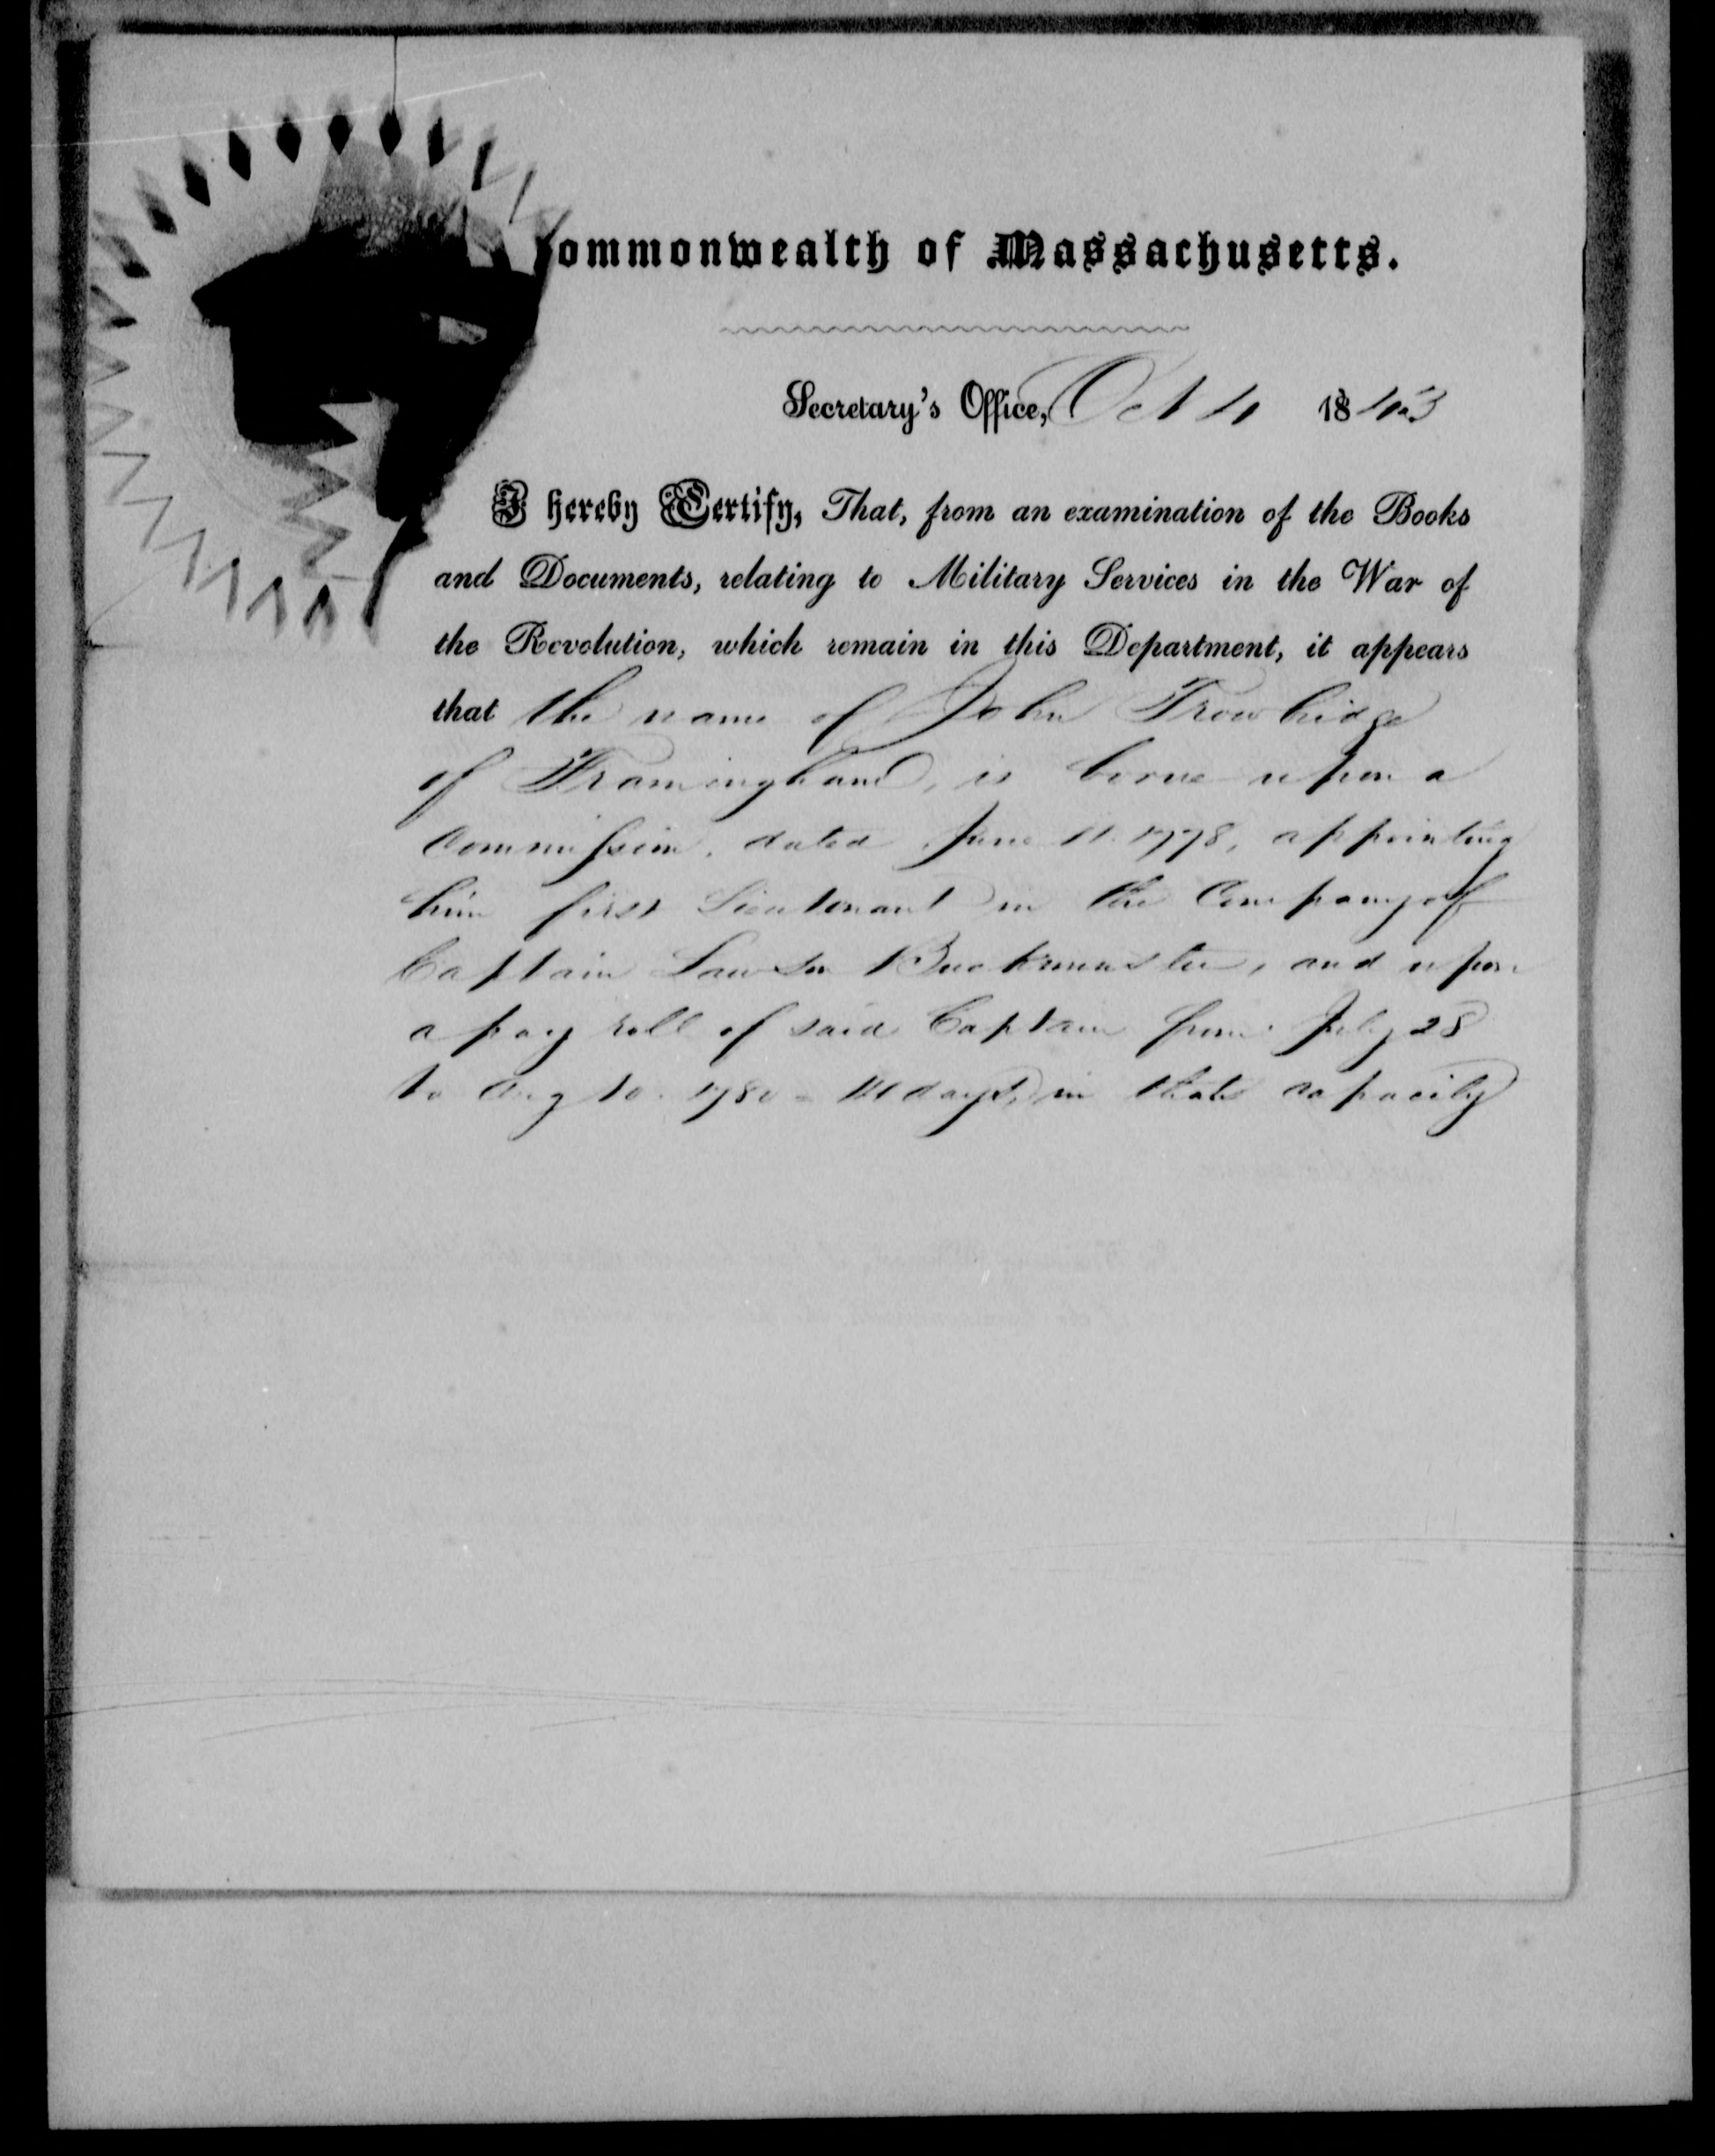Commonwealth of Massachusetts
Secretary's Office oct. 4 1843
(Seal)

I hereby Certify, That from an examination of the Books and Documents, relating to Military Services in the War of the Revolution, which remain in this Department, it appears that the name of John Trowbridge of Framingham is borne upon a commission, dated June 11 1778, appointing him first Lieutenant in the Company of Captain Lawson Buckminster, and upon a pay roll of said Captain from July 28 to Aug 10 1780-
14 days in that capacity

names: Lawson Buckminster, John Trowbridge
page: 24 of 34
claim: widow's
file: W. 15439, John Trowbridge, Mass.